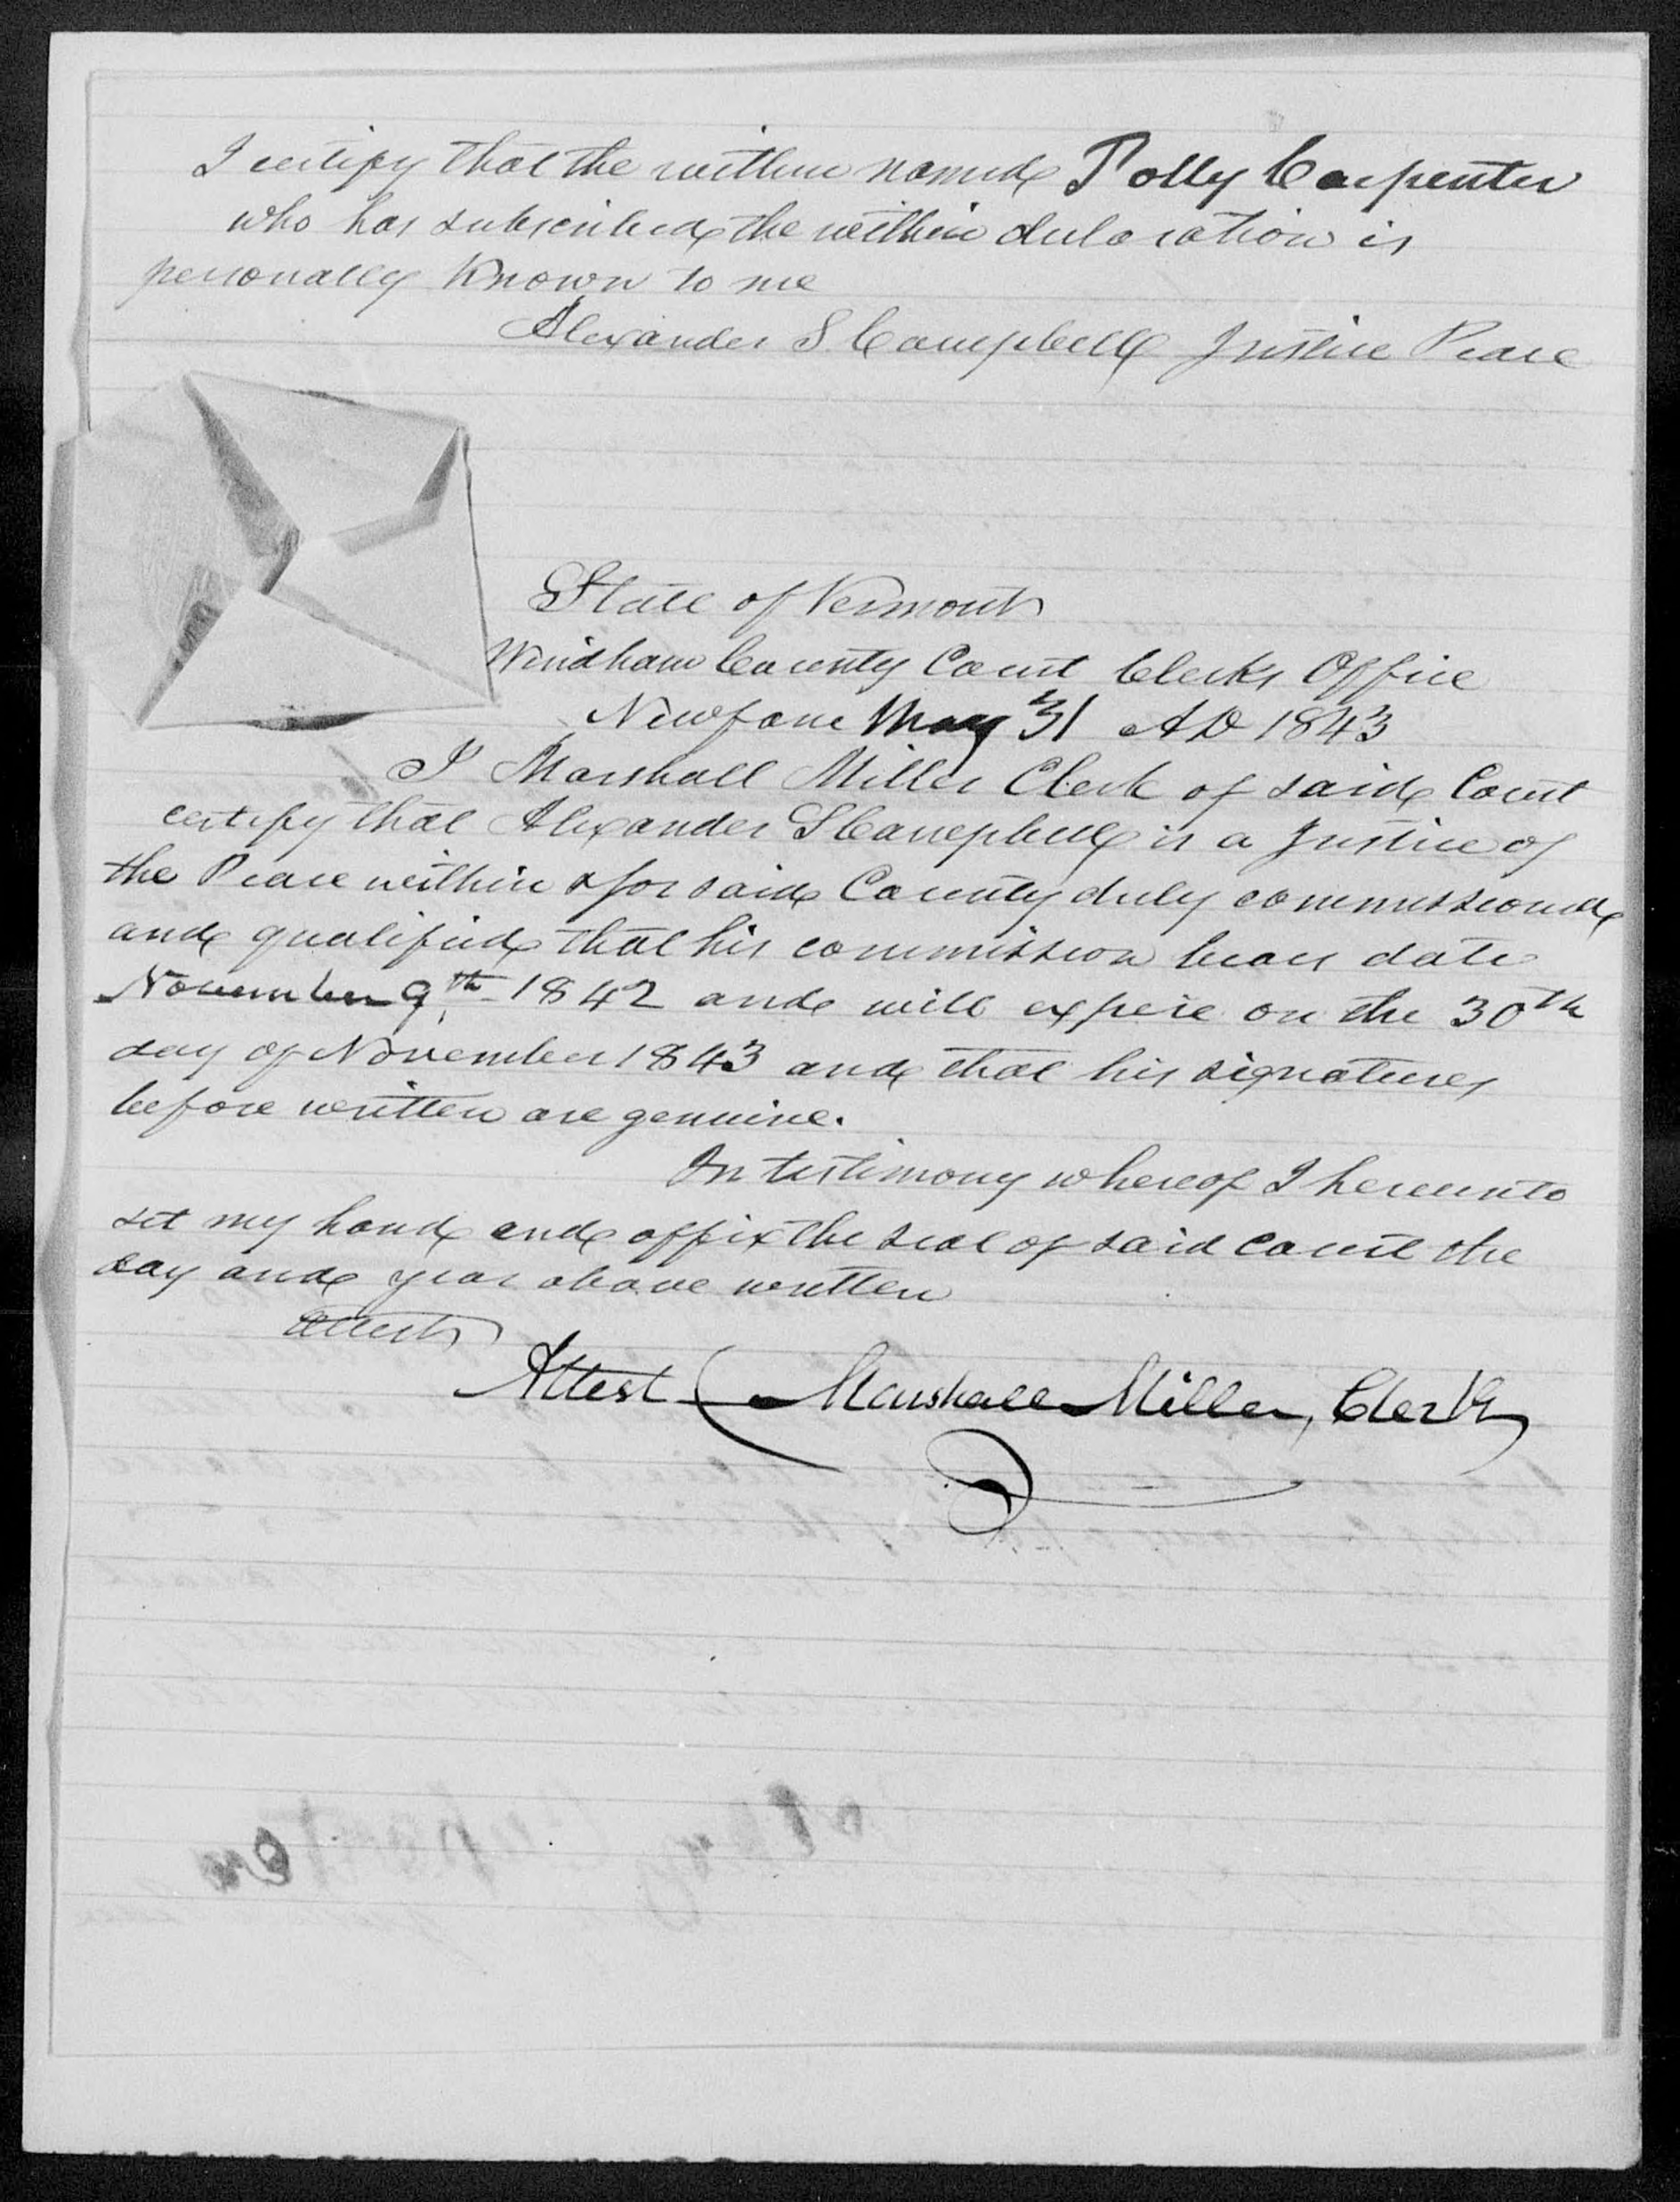I certify that the within named Polly Carpenter who has subscribed the within declaration is personally known to me
/s/Alexander S Campbell Justice Peace
[court seal affixed]
State of Vermont
Windham County Court Clerks office
Newfane May 31 AD 1843
I Marshall Miller Clerk of said Court certify that Alexander S Campbell is a Justice of the Peace within aforesaid County duly commissioned and qualified that his commission bears date November 9th 1842 and will expire 30th day of November 1843 and that his signatures before written are genuine.
In testimony whereof I hereunto set my hand and affix the seal of said Court the day and year above written
attest
Attest /s/Marshall Miller, Clerk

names: Alexander S Campbell, Marshall Miller, Alexander S Campbell, Marshall Miller, Polly Carpenter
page: 39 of 41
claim: widow's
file: W. 15627, Timothy Carpenter, Vt.